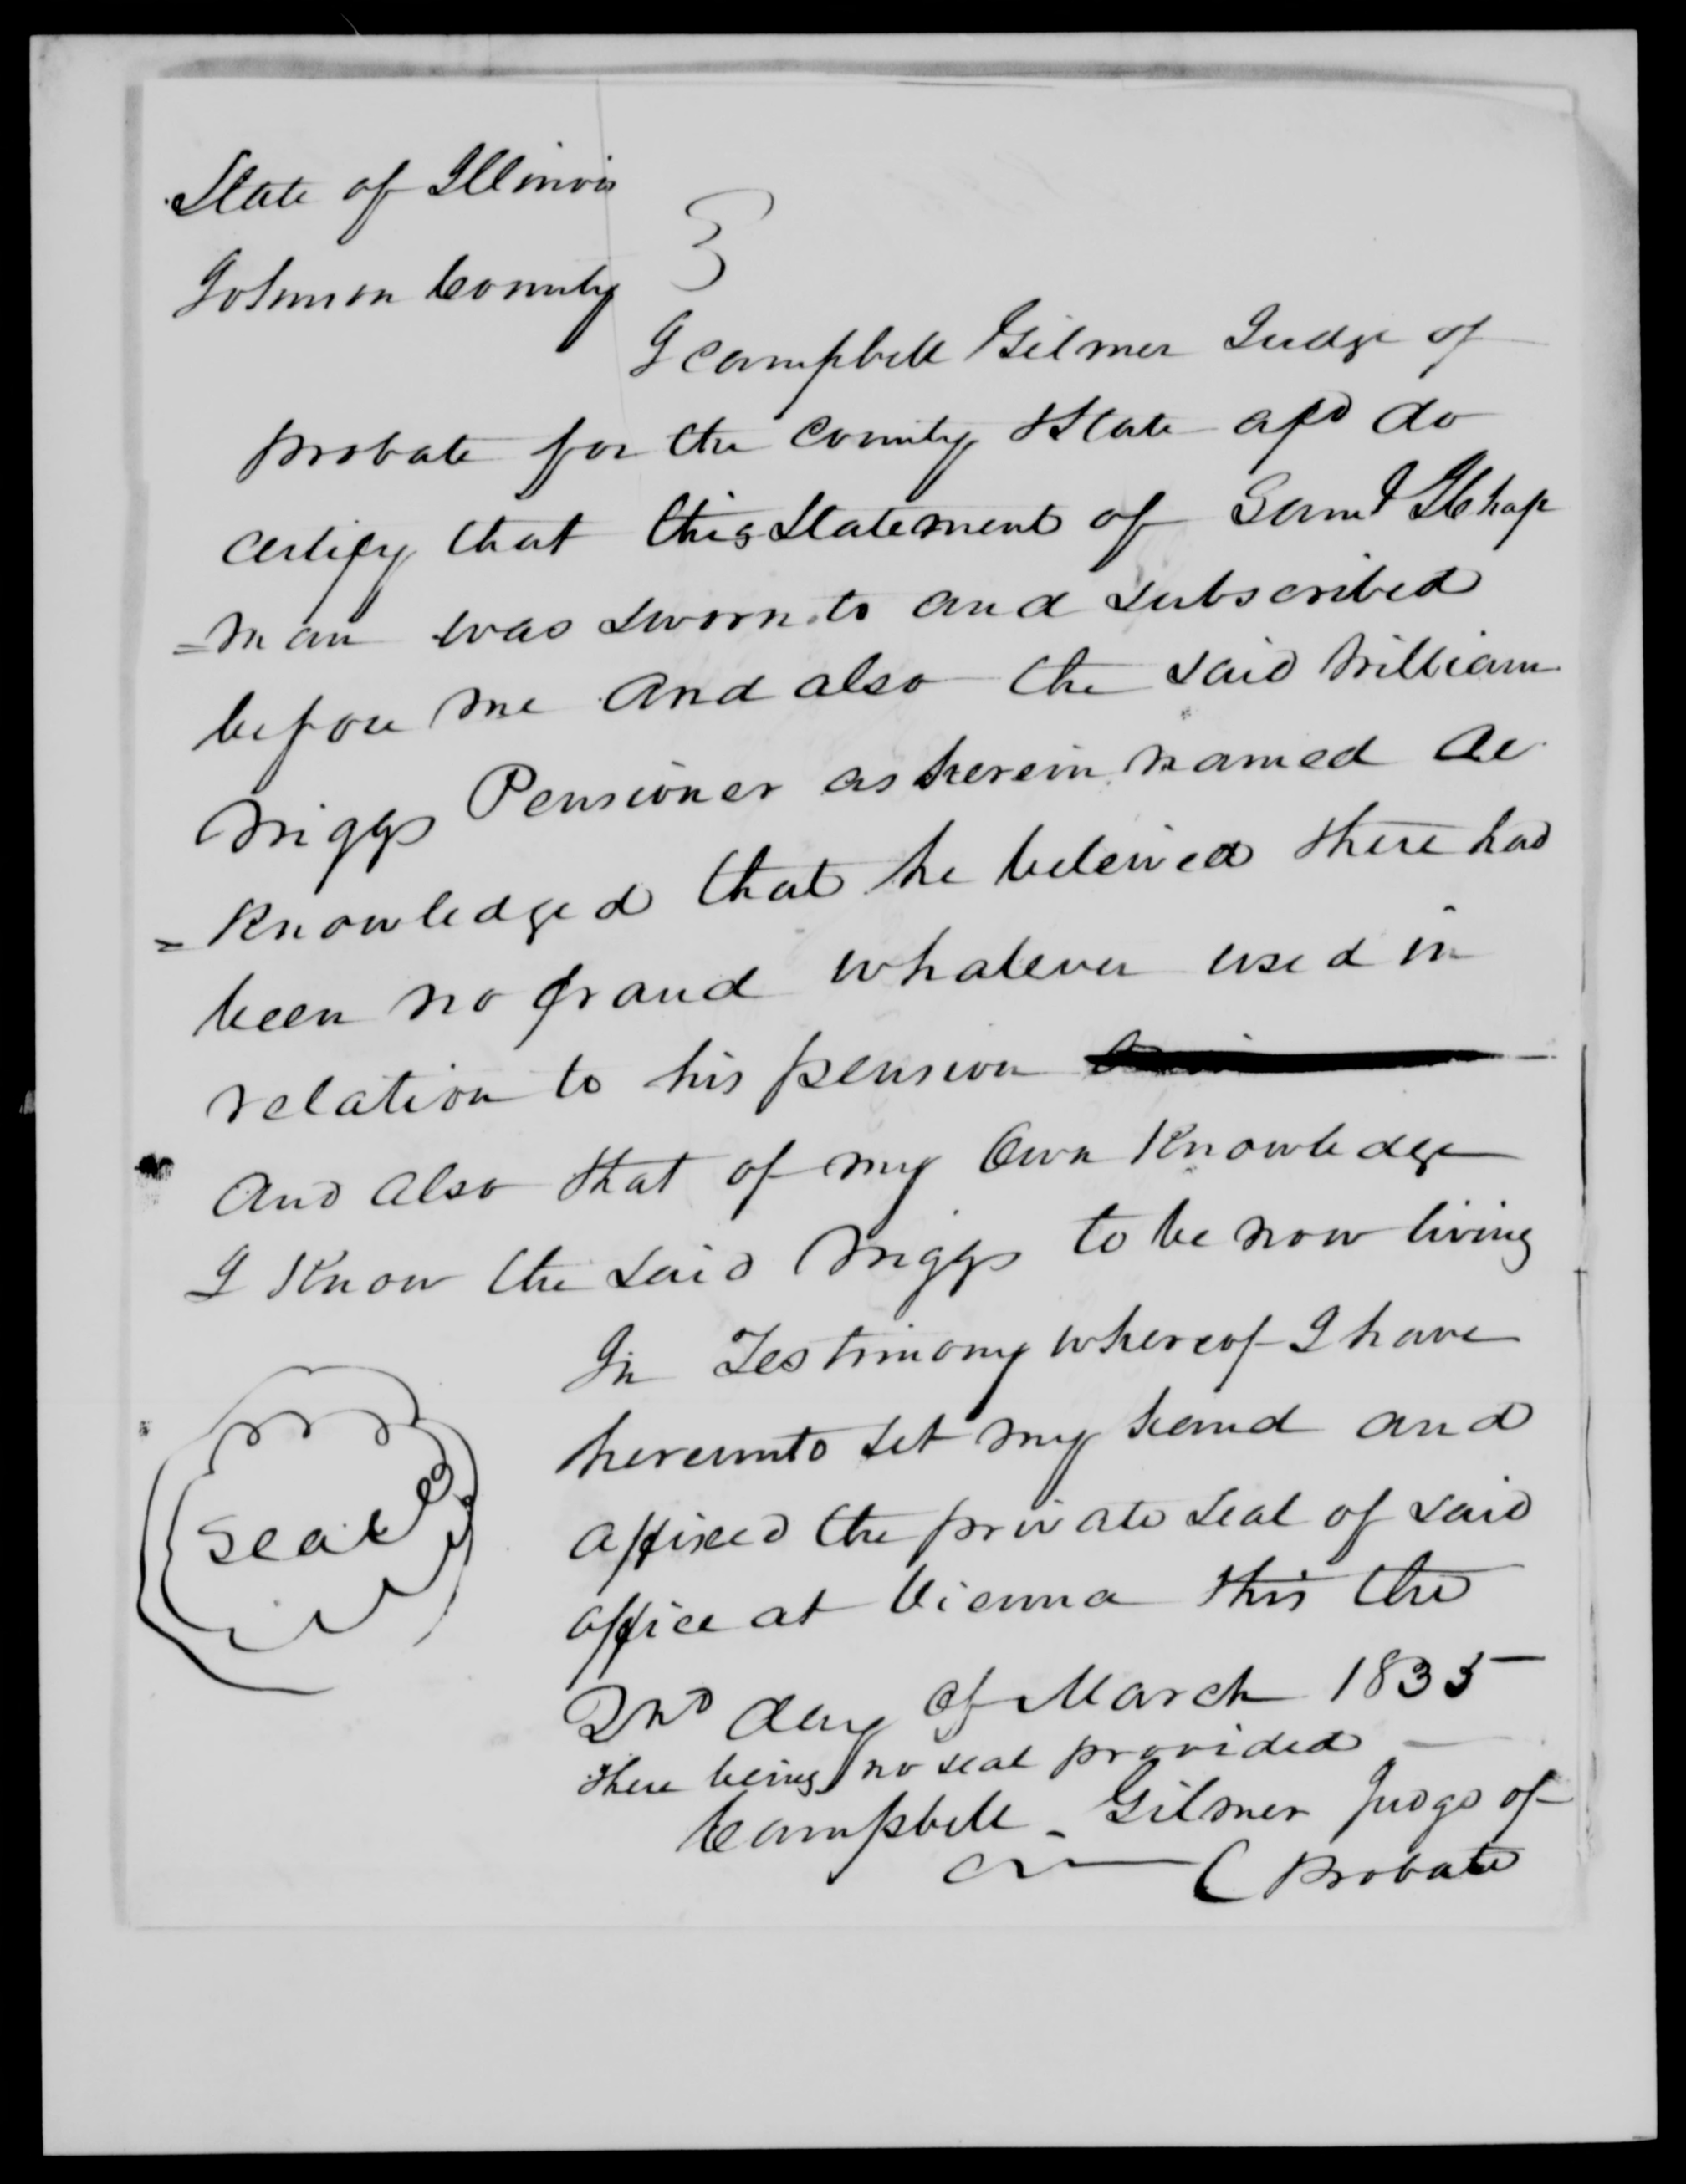State of Illinois
Johnson County
I Campbell Gilmer Judge of
Probate for the County & State af'd do
certify that this statement of Saml J Chapman
was sworn to and subscribed
before me and also the said William
Wiggs, Pensioner as herein named acknowledged that he believed there had 
been no fraud whatever used in
relation to his pension
and also that of my own knowledge
I know the said Wiggs to be now living
 In Testimony whereof I have
hereunto set my hand and
affixed the private seal of said
office at Vienna this the
2nd day of March 1835
There being no seal provided-
Campbell, Gilmer Judge of
Probate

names: Campbell Gilmer, Saml J Chapman, William Wiggs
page: 18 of 31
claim: survivor's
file: S. 32608, William Wiggs, N.C.